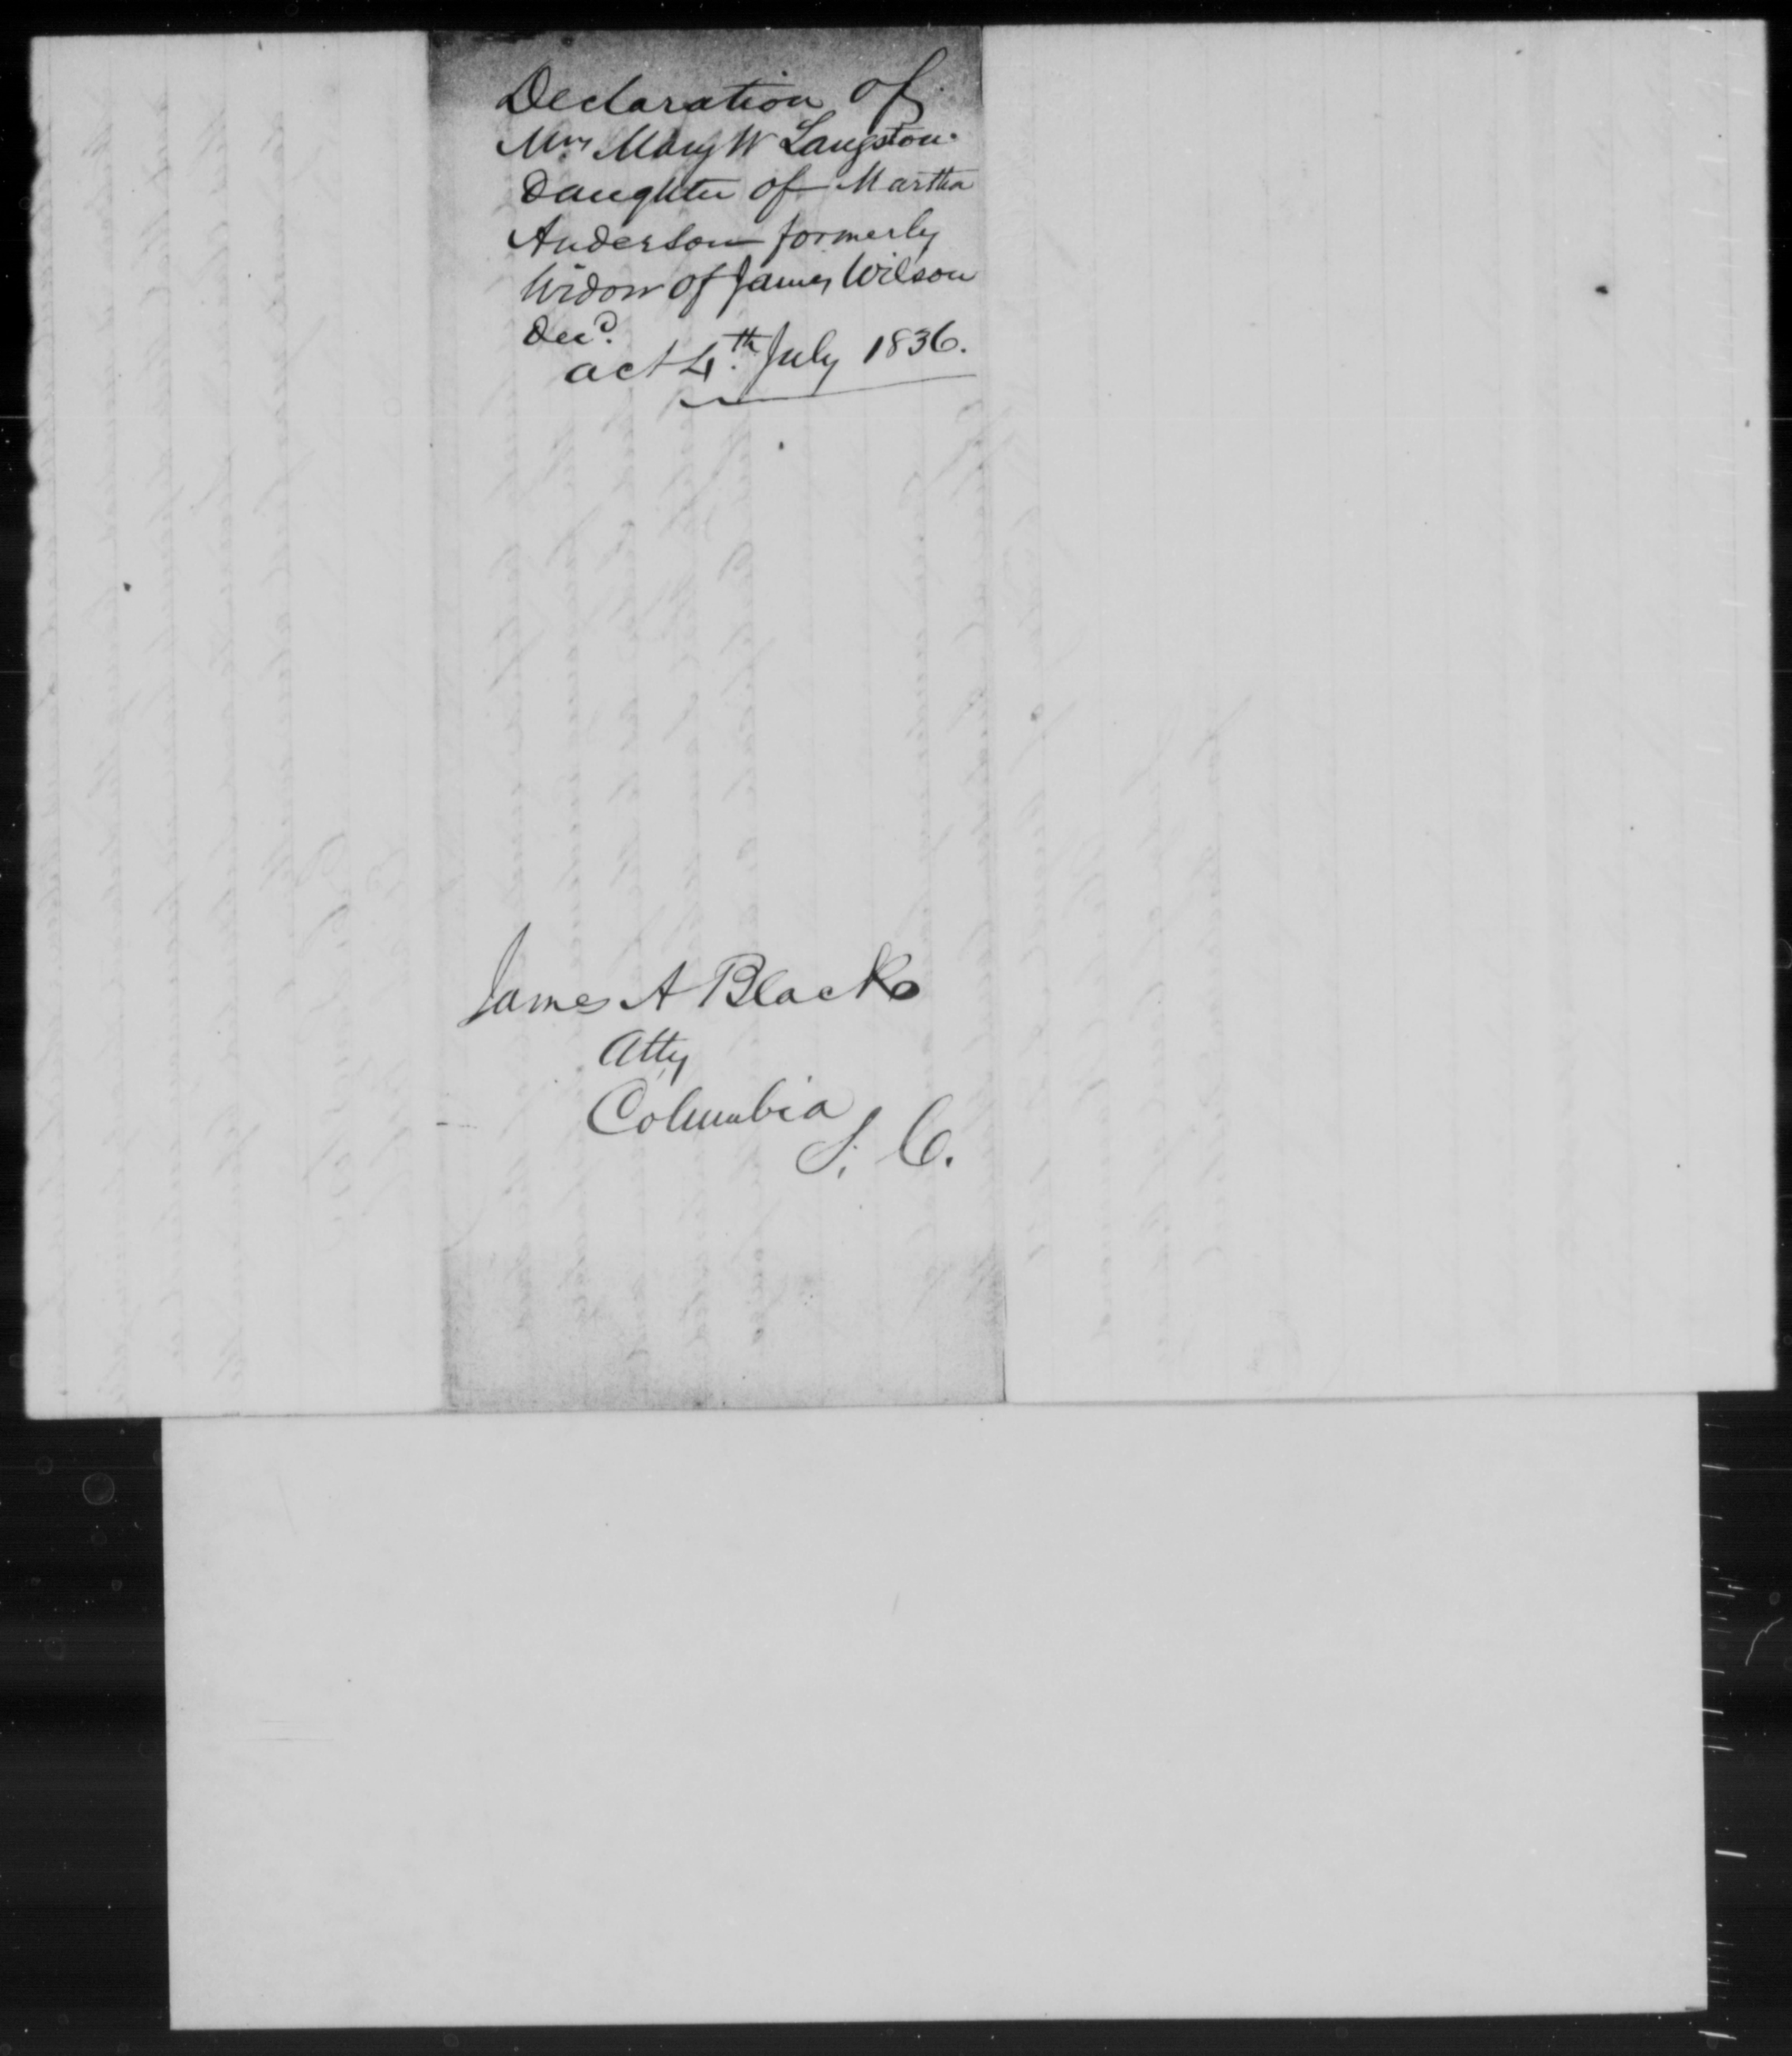Declaration of 
Mrs Mary W Langston
daughter of Martha
Anderson formerly
widow of James Wilson 
Decd.
Act 4th July 1836



James A Black
Atty
Columbia
S.C.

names: Martha Anderson, James A Black, James Wilson, Mary W Langston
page: 2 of 18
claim: rejected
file: R. 195, James Wilson, S. C.